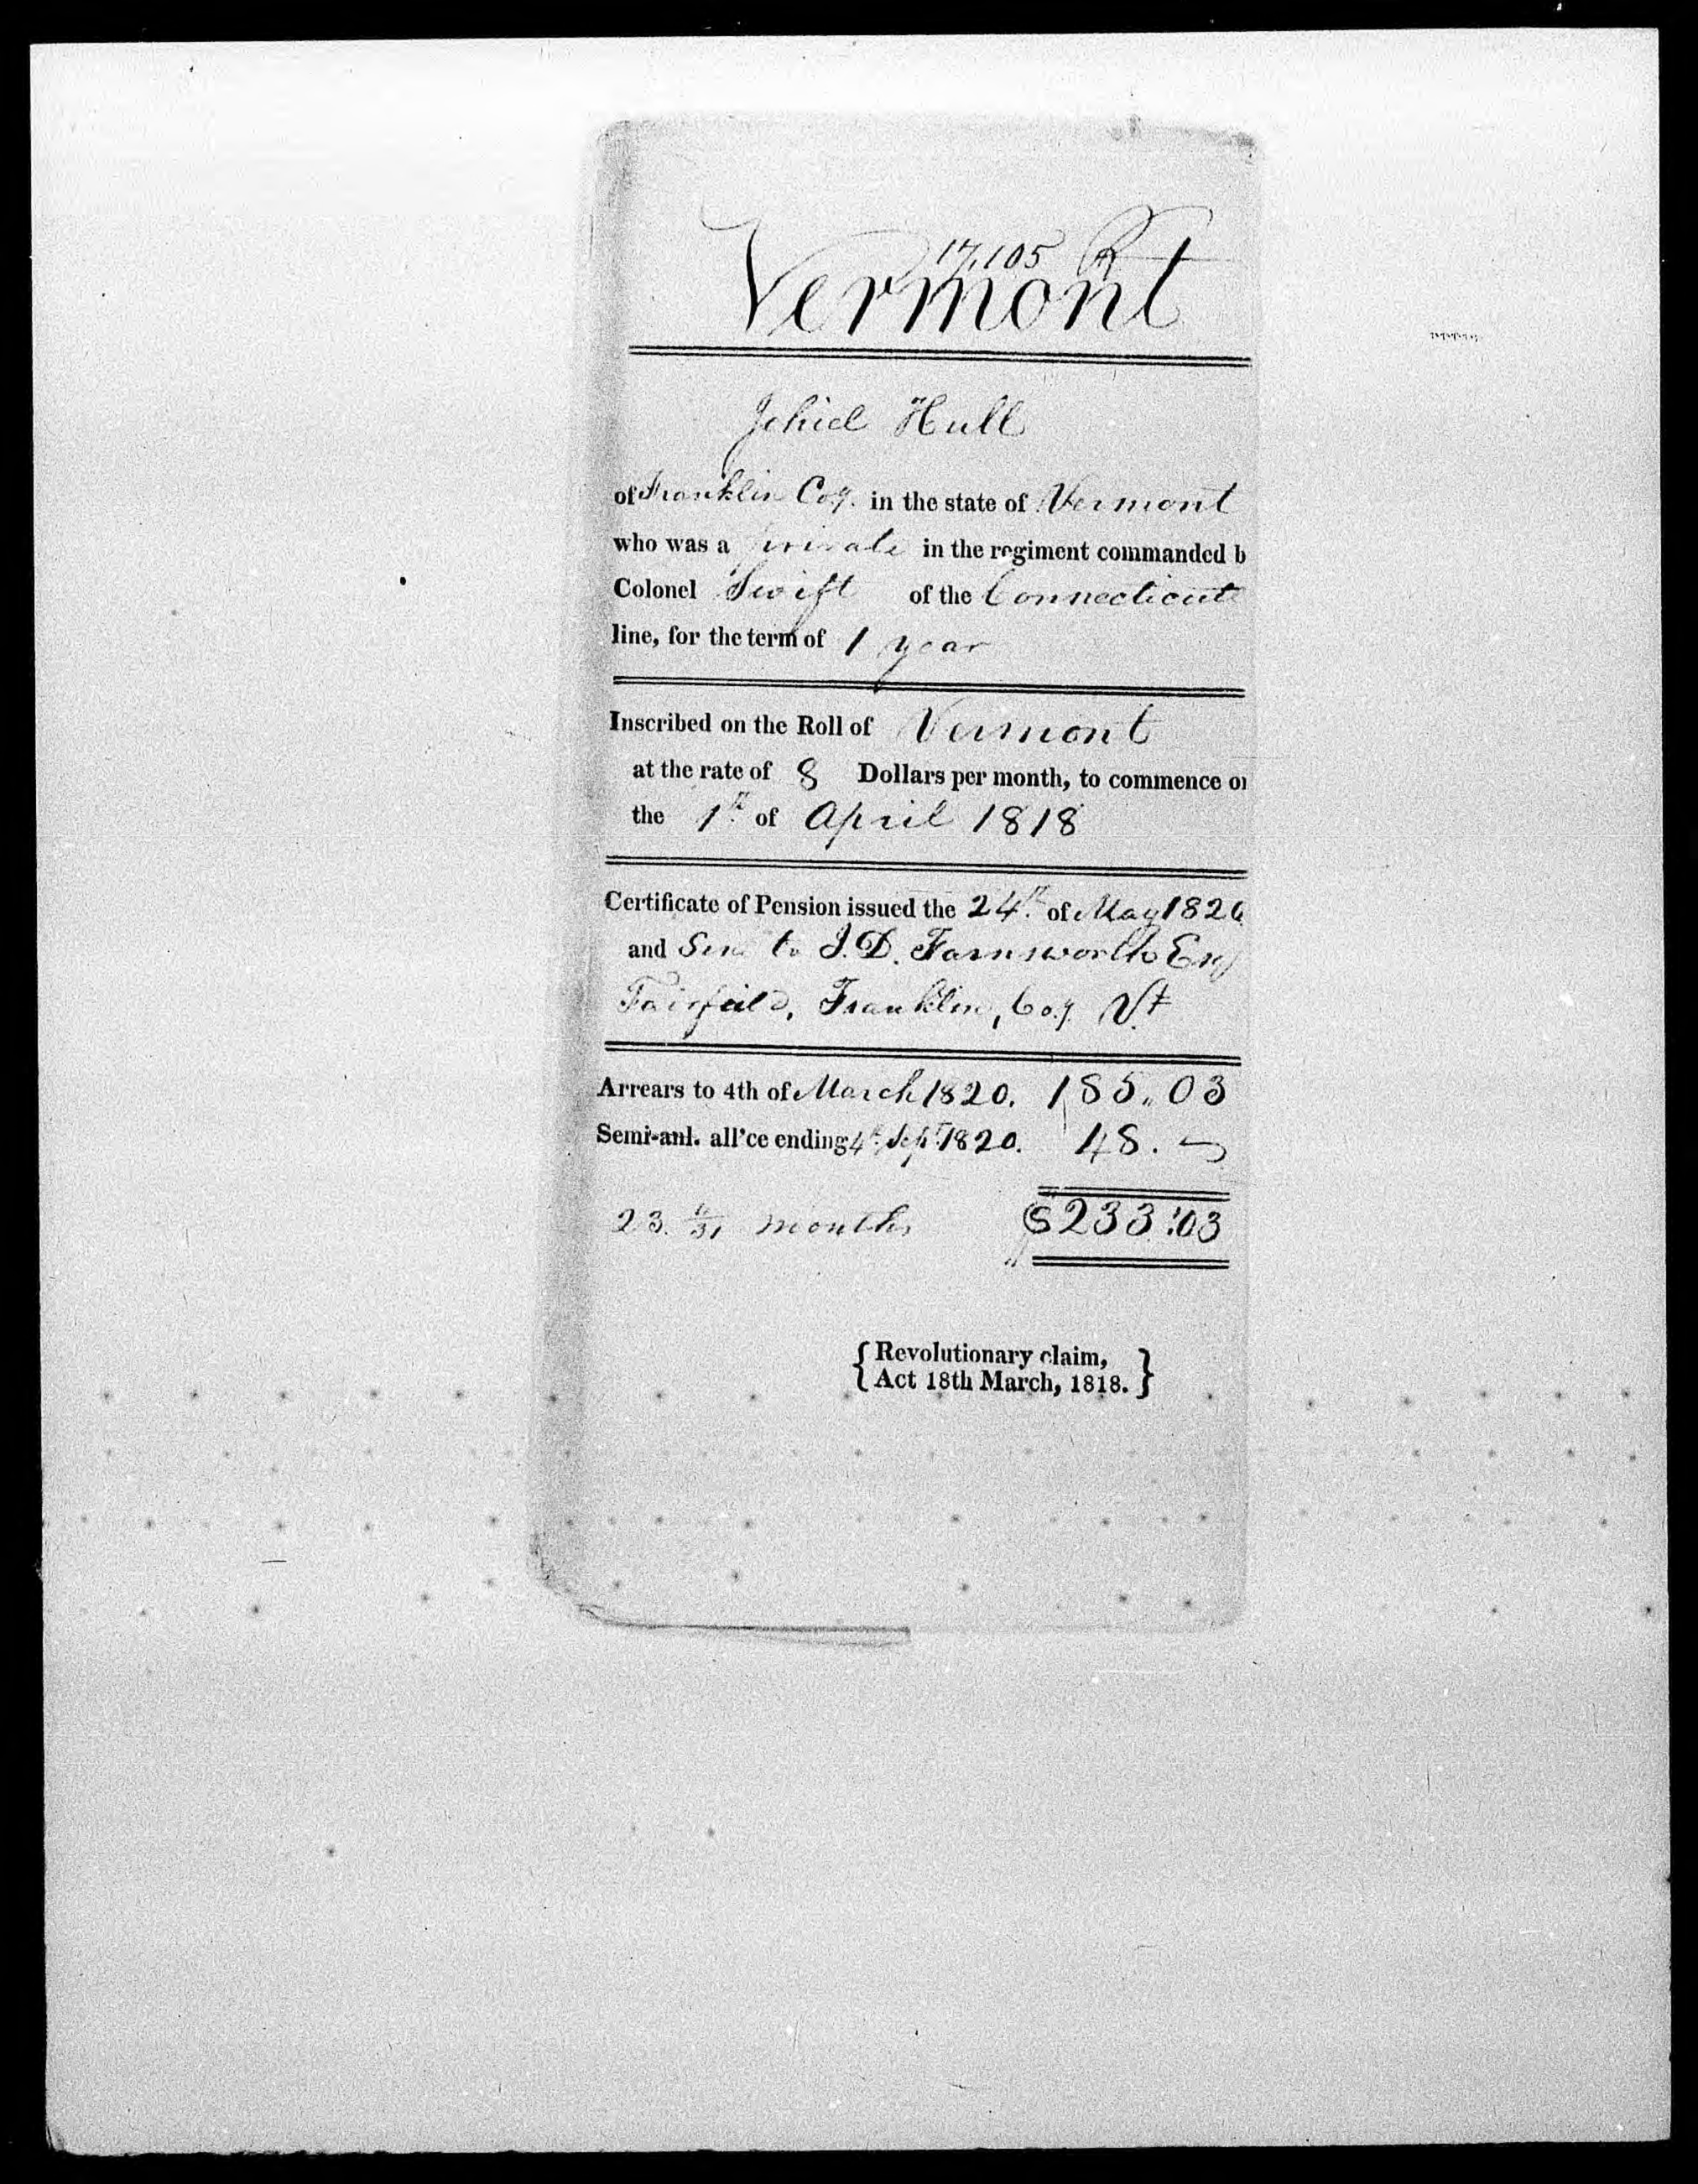17.105
Vermont
Jehiel Hull
of Franklin CO. in the state of Vermont
who was a private in the regiment command b
Colonel Swift of the Connecticut 
line, for the term of 1 year
-------
Inscribed on the Roll of Vermont
at the rate of 8 Dollars per month, to commence on
the 1st of April 1818
-------
Certificate of Pension issued the 24th of May 1826
and sent to J. D. Farnsworth, Ery.
Fairfield, Franklin, Co., of Vt
Arrears to the 4th of March 1820, $155.03
Semi-ani. all'ce ending 4th Sep 1820 $48
23 4/31 month $233.03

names: Swift, Jehiel Hull, J D Farnsworth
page: 2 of 58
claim: widow's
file: W. 25813, Jehiel Hull, Conn.